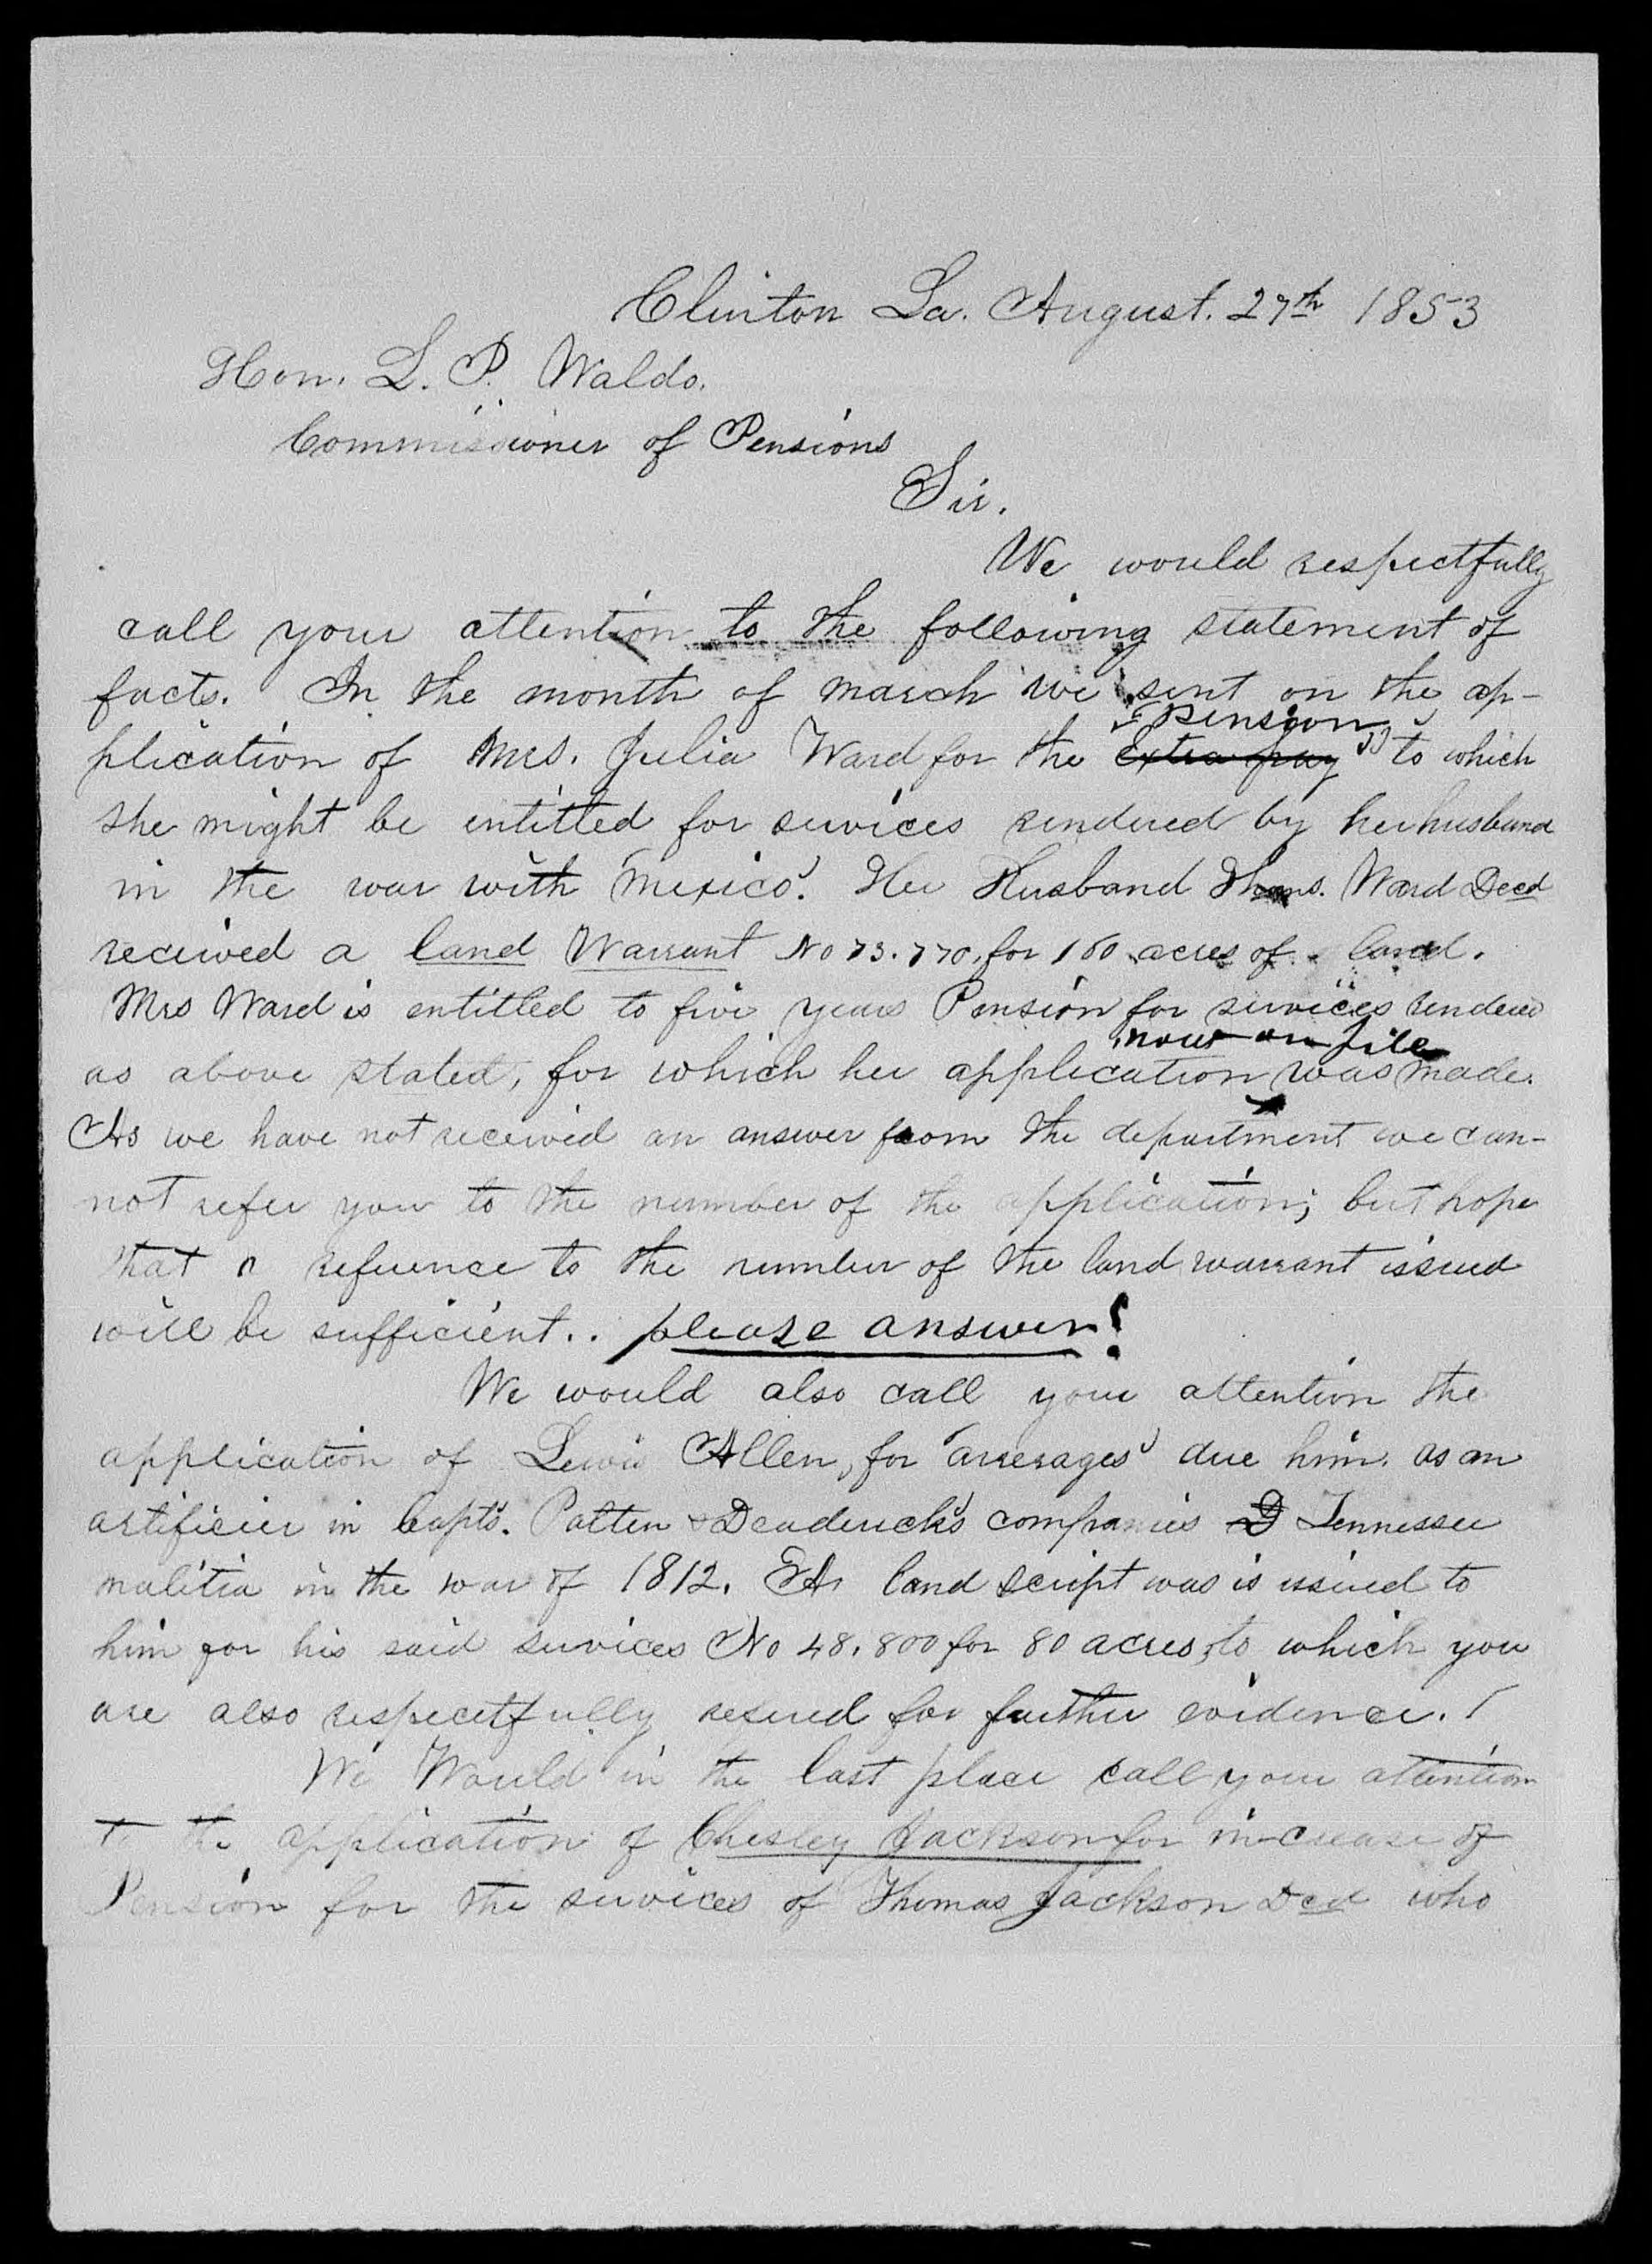Clinton La. August 27th 1853
Hon. S. P. Waldo
Commissioner of Pensions
Sir:
We would respectfully
call your attention to the following statement of
facts. In the month of March we sent on the application
of Mrs. Julia Ward for the ^pension to which
she might be entitled of services rendered by her husband
in the war with Mexico. Her husband Thomas Ward Decd.
received a land warrant No. 73.770 for 180 acres of land.
Mrs. Ward is entitled to five years for services rendered 
as above stated, for which her application ^now on file^ was made.
As we have not received an answer from the department we cannot
refer you to the number of the application; but hope
that a reference to the number of the land warrant issued
will be sufficient.  PLEASE ANSWER!
We would also call your attention the 
application of Lewis Allen for acreages due him as an
artificier in Capts' Polten & Deaderichs companies Tennessee militia 
in the war of 1812. A land script was issued to 
him for his said service No. 48.800 for 80 acres to which you
are also respectfully refered for further evidence.
We would in the last place call your attention 
to the application of Chesley Jackson for increase of 
pension for the services of Thomas Jackson decd. who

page: 32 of 54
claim: survivor's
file: S. 31166, for Thomas Jackson, South Carolina